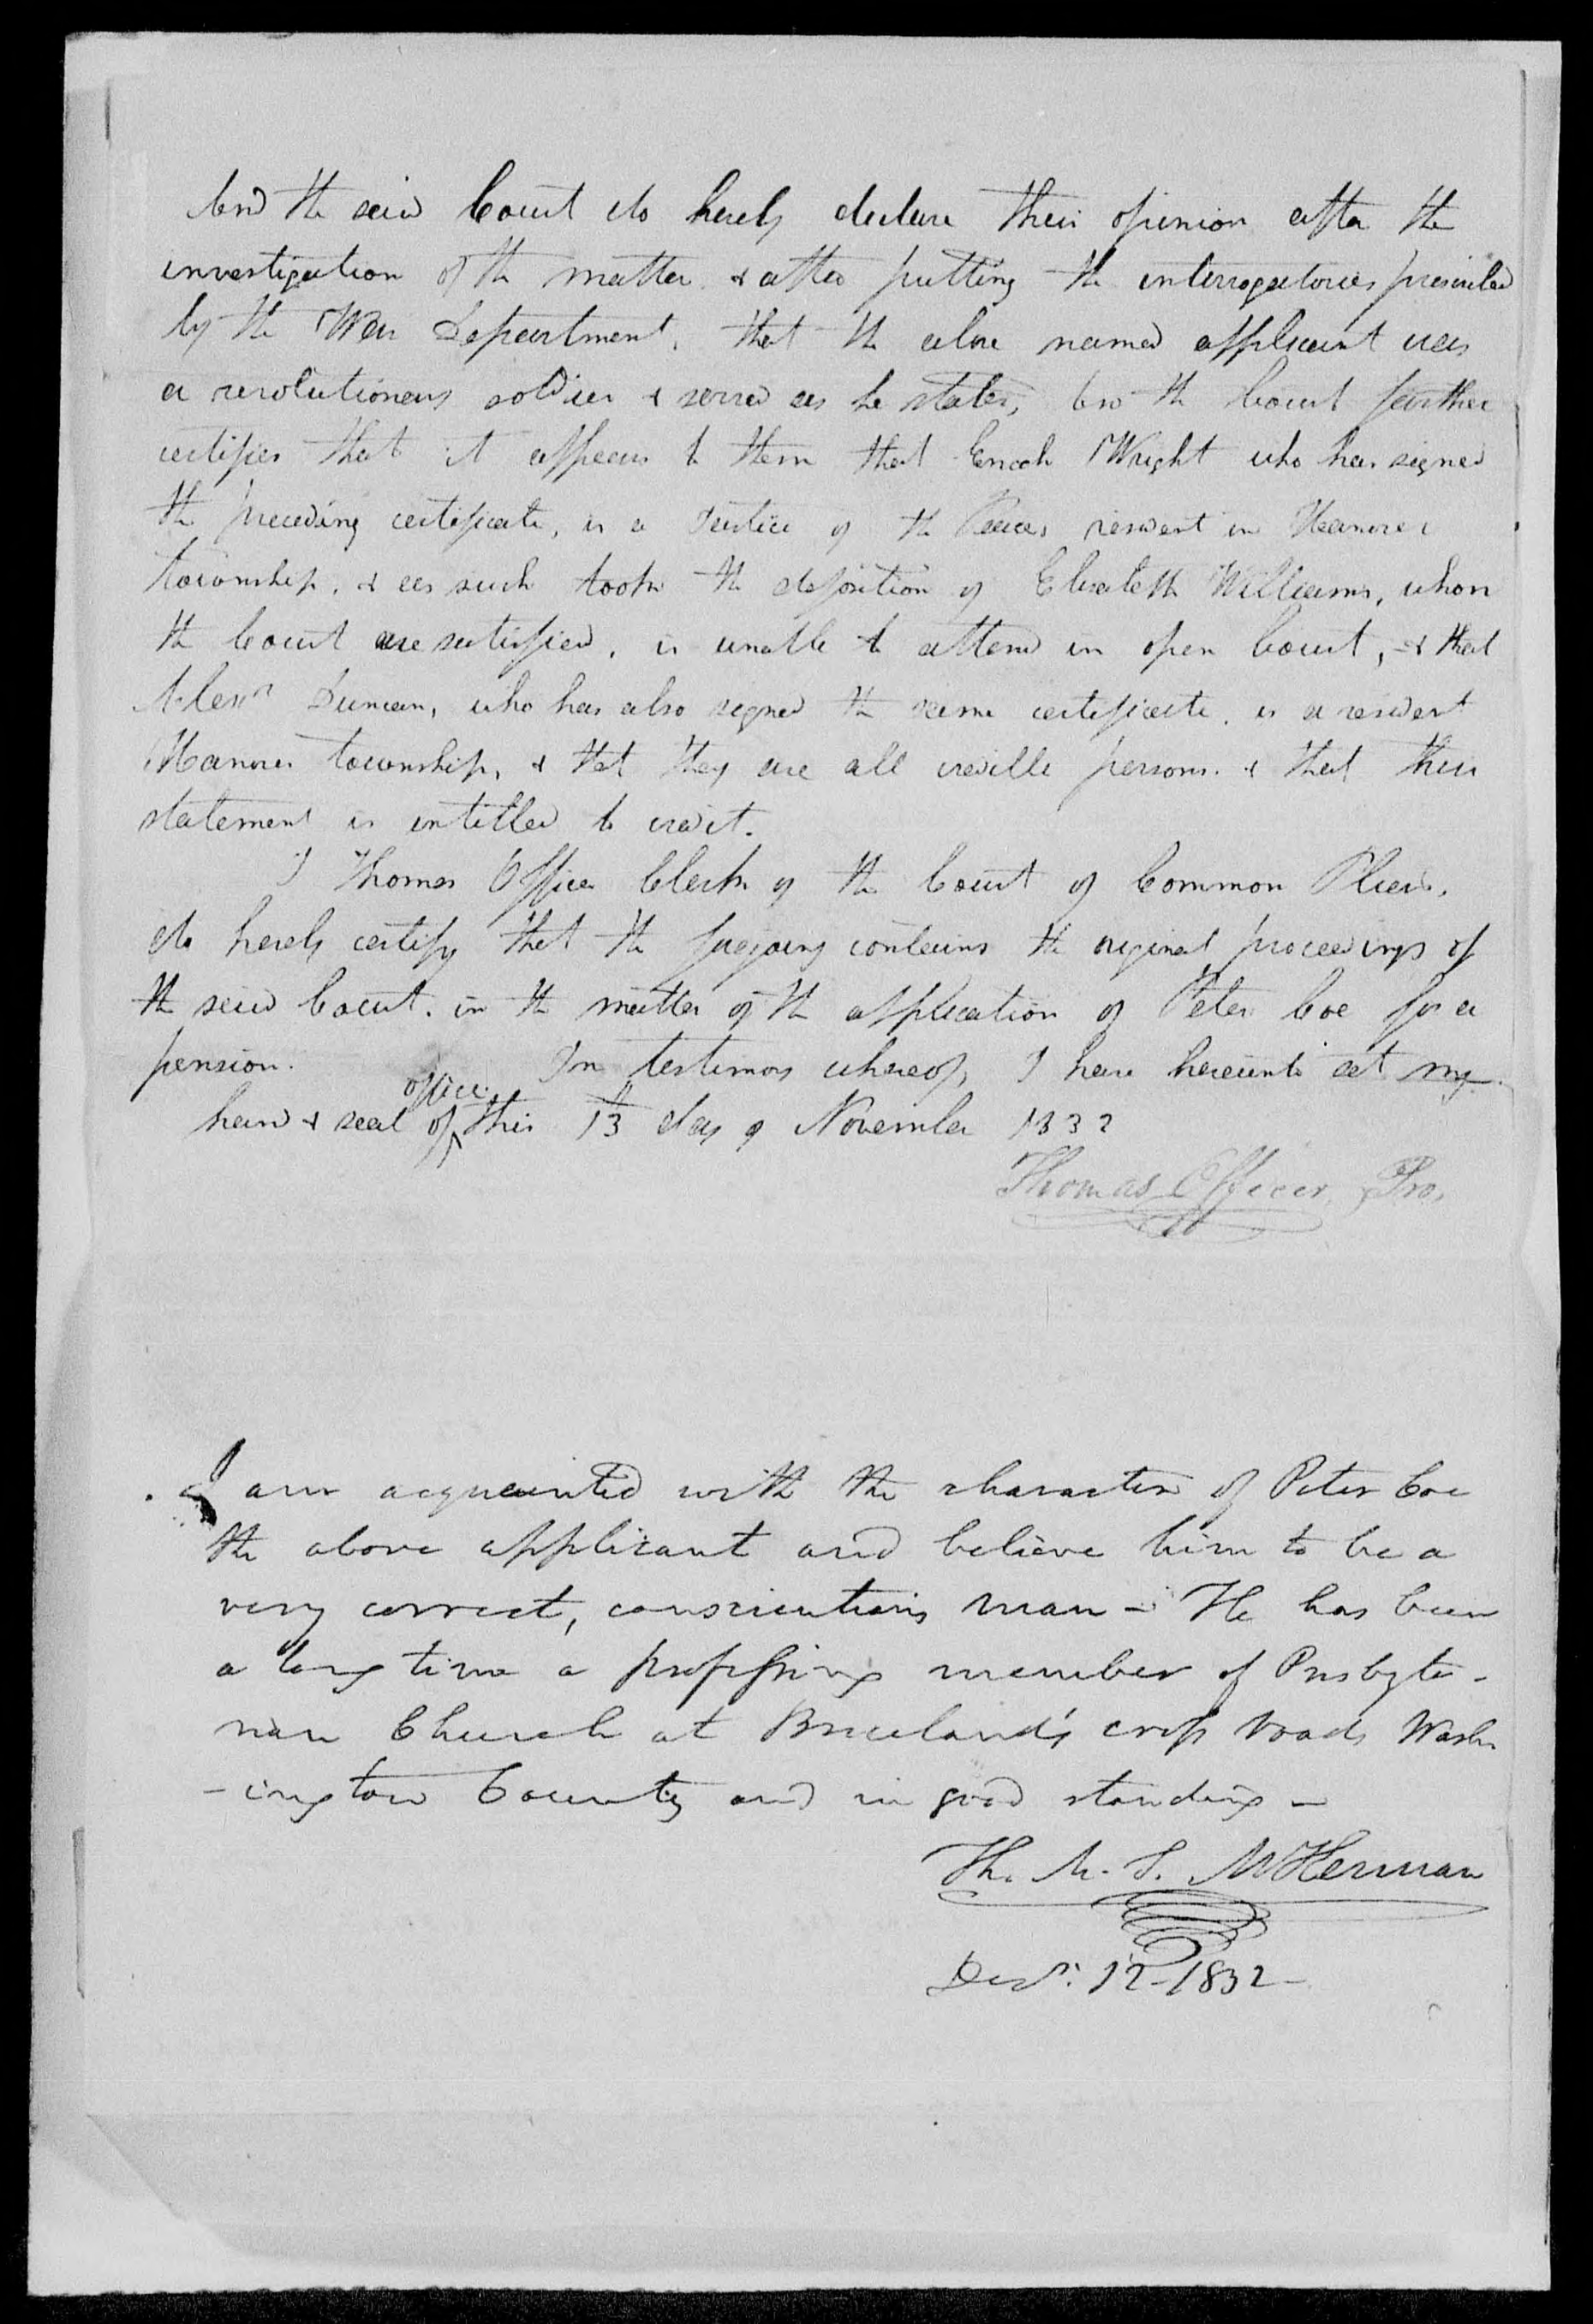In the said Court I hereby declare their opinion after the investigation of the matter & after putting the interrogatories prescribed by the War Department, that the alone named applicant was a revolutionary soldier & served as he states, both about further certifies that it appears to them that Enoch Wright who has signed the preceding certificate, is a Justice of the Peace, resident in Hanover township, & as such took the deposition of Elizabeth Williams, whom the Court are satisfied, is unable to attend in open Court, & that Alexr Duncan, who has also signed the same certificate, is a resident Hanover township, & that they are all credible persons & that their statement is entitled to credit.
I Thomas Office Clerk of the Court of Common Pleas, to hereby certify that the foregoing contains the original proceedings of the said Court, in the matter of the application of Peter Coe for a pension. In testimony whereof, I here hereunto set my hand & seal of office this 13th day of November 1832
Thomas Officer, Pro.

I am acquainted with the character of Peter Coe the above applicant and believe him to be a very correct, conscientious man. He has been a long time a professing member of Presbyterian Church at Brueland's cross roads Washington County and in good standing. 
Th. M. T. McKennan
Decr: 12, 1832.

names: Alexr Duncan, Elizabeth Williams, Peter Coe, Thomas Officer, Thomas Officer, Peter Coe, Th M T Mc Kennan, Enoch Wright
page: 6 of 23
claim: survivor's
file: S. 3167, Peter Coe, New Jersey Penn.